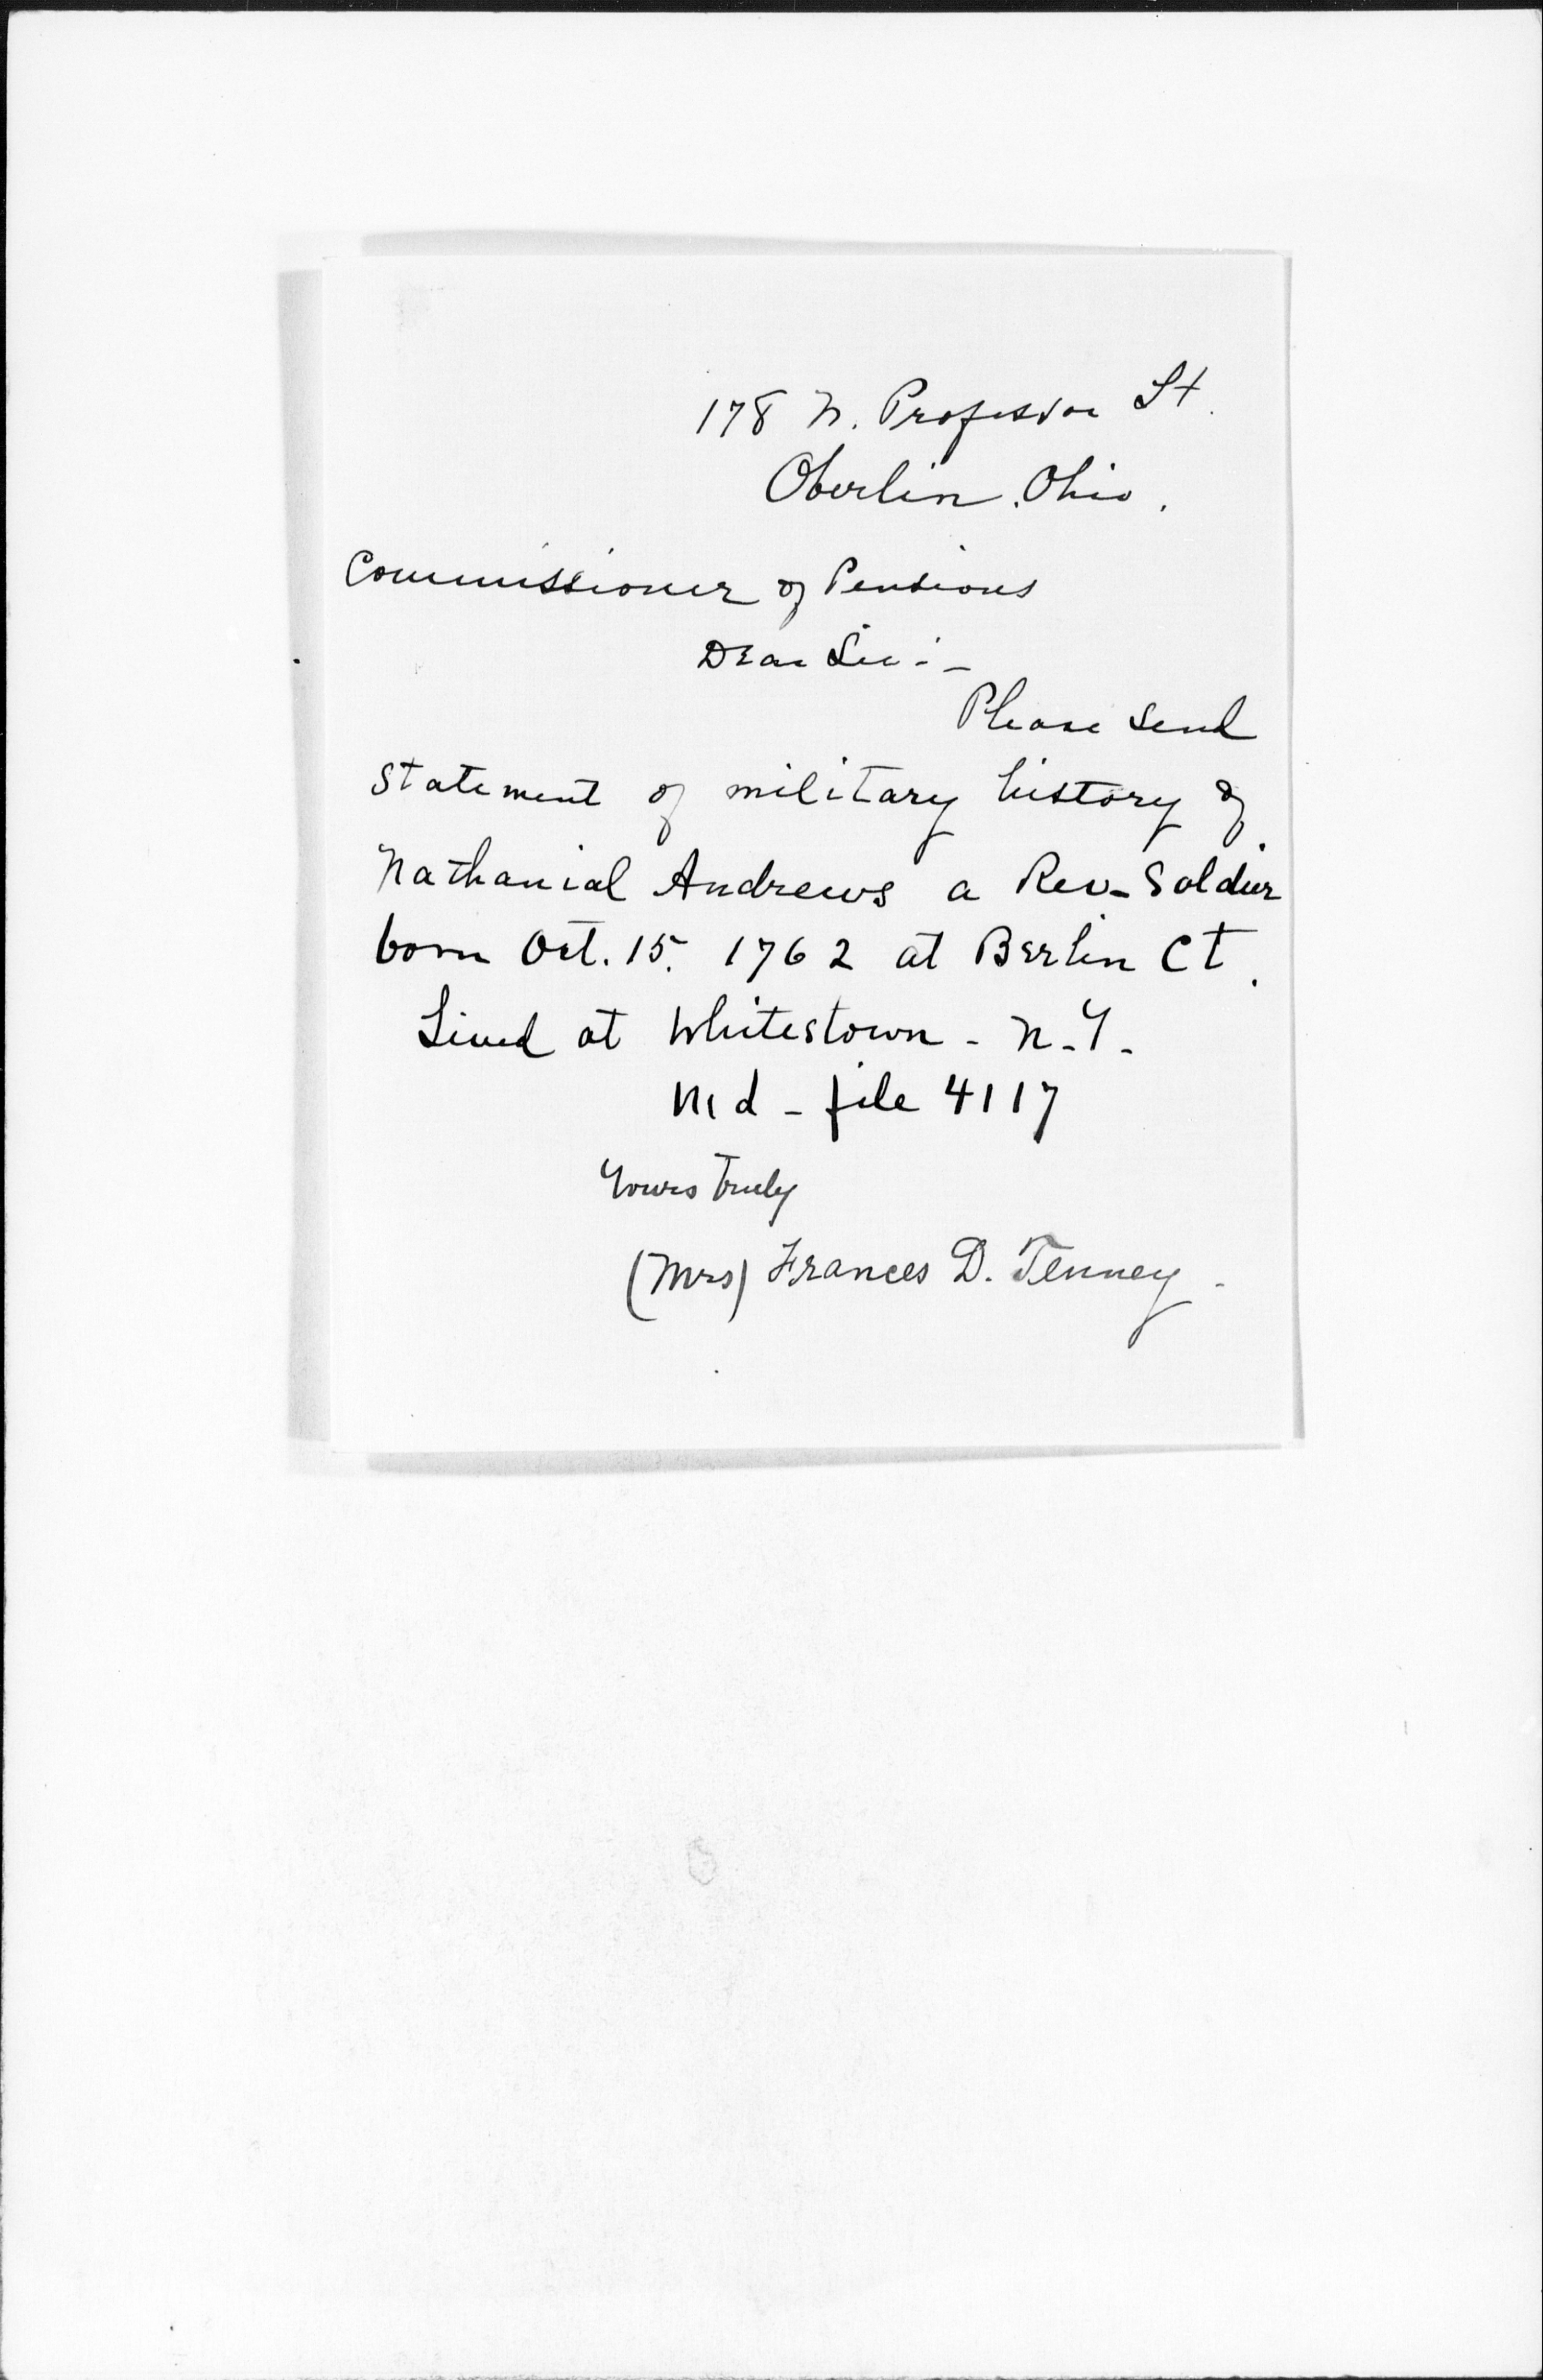178 N. Professor St
Oberlen Ohio
Commissioner of Pensions
Dear Sir
Please send
statement of military history of
Nathanial Andrews a Rev. Soldie
born Oct. 15, 1762 at Berlin Ct.
lived at Whitestown, N.Y.
nid-file 4117
Yours truly
(Mrs) Frances D. Tenney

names: Nathanial Andrews, Frances D Tenney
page: 70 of 78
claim: widow's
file: W. 4117, Nathaniel Bradley, Conn.